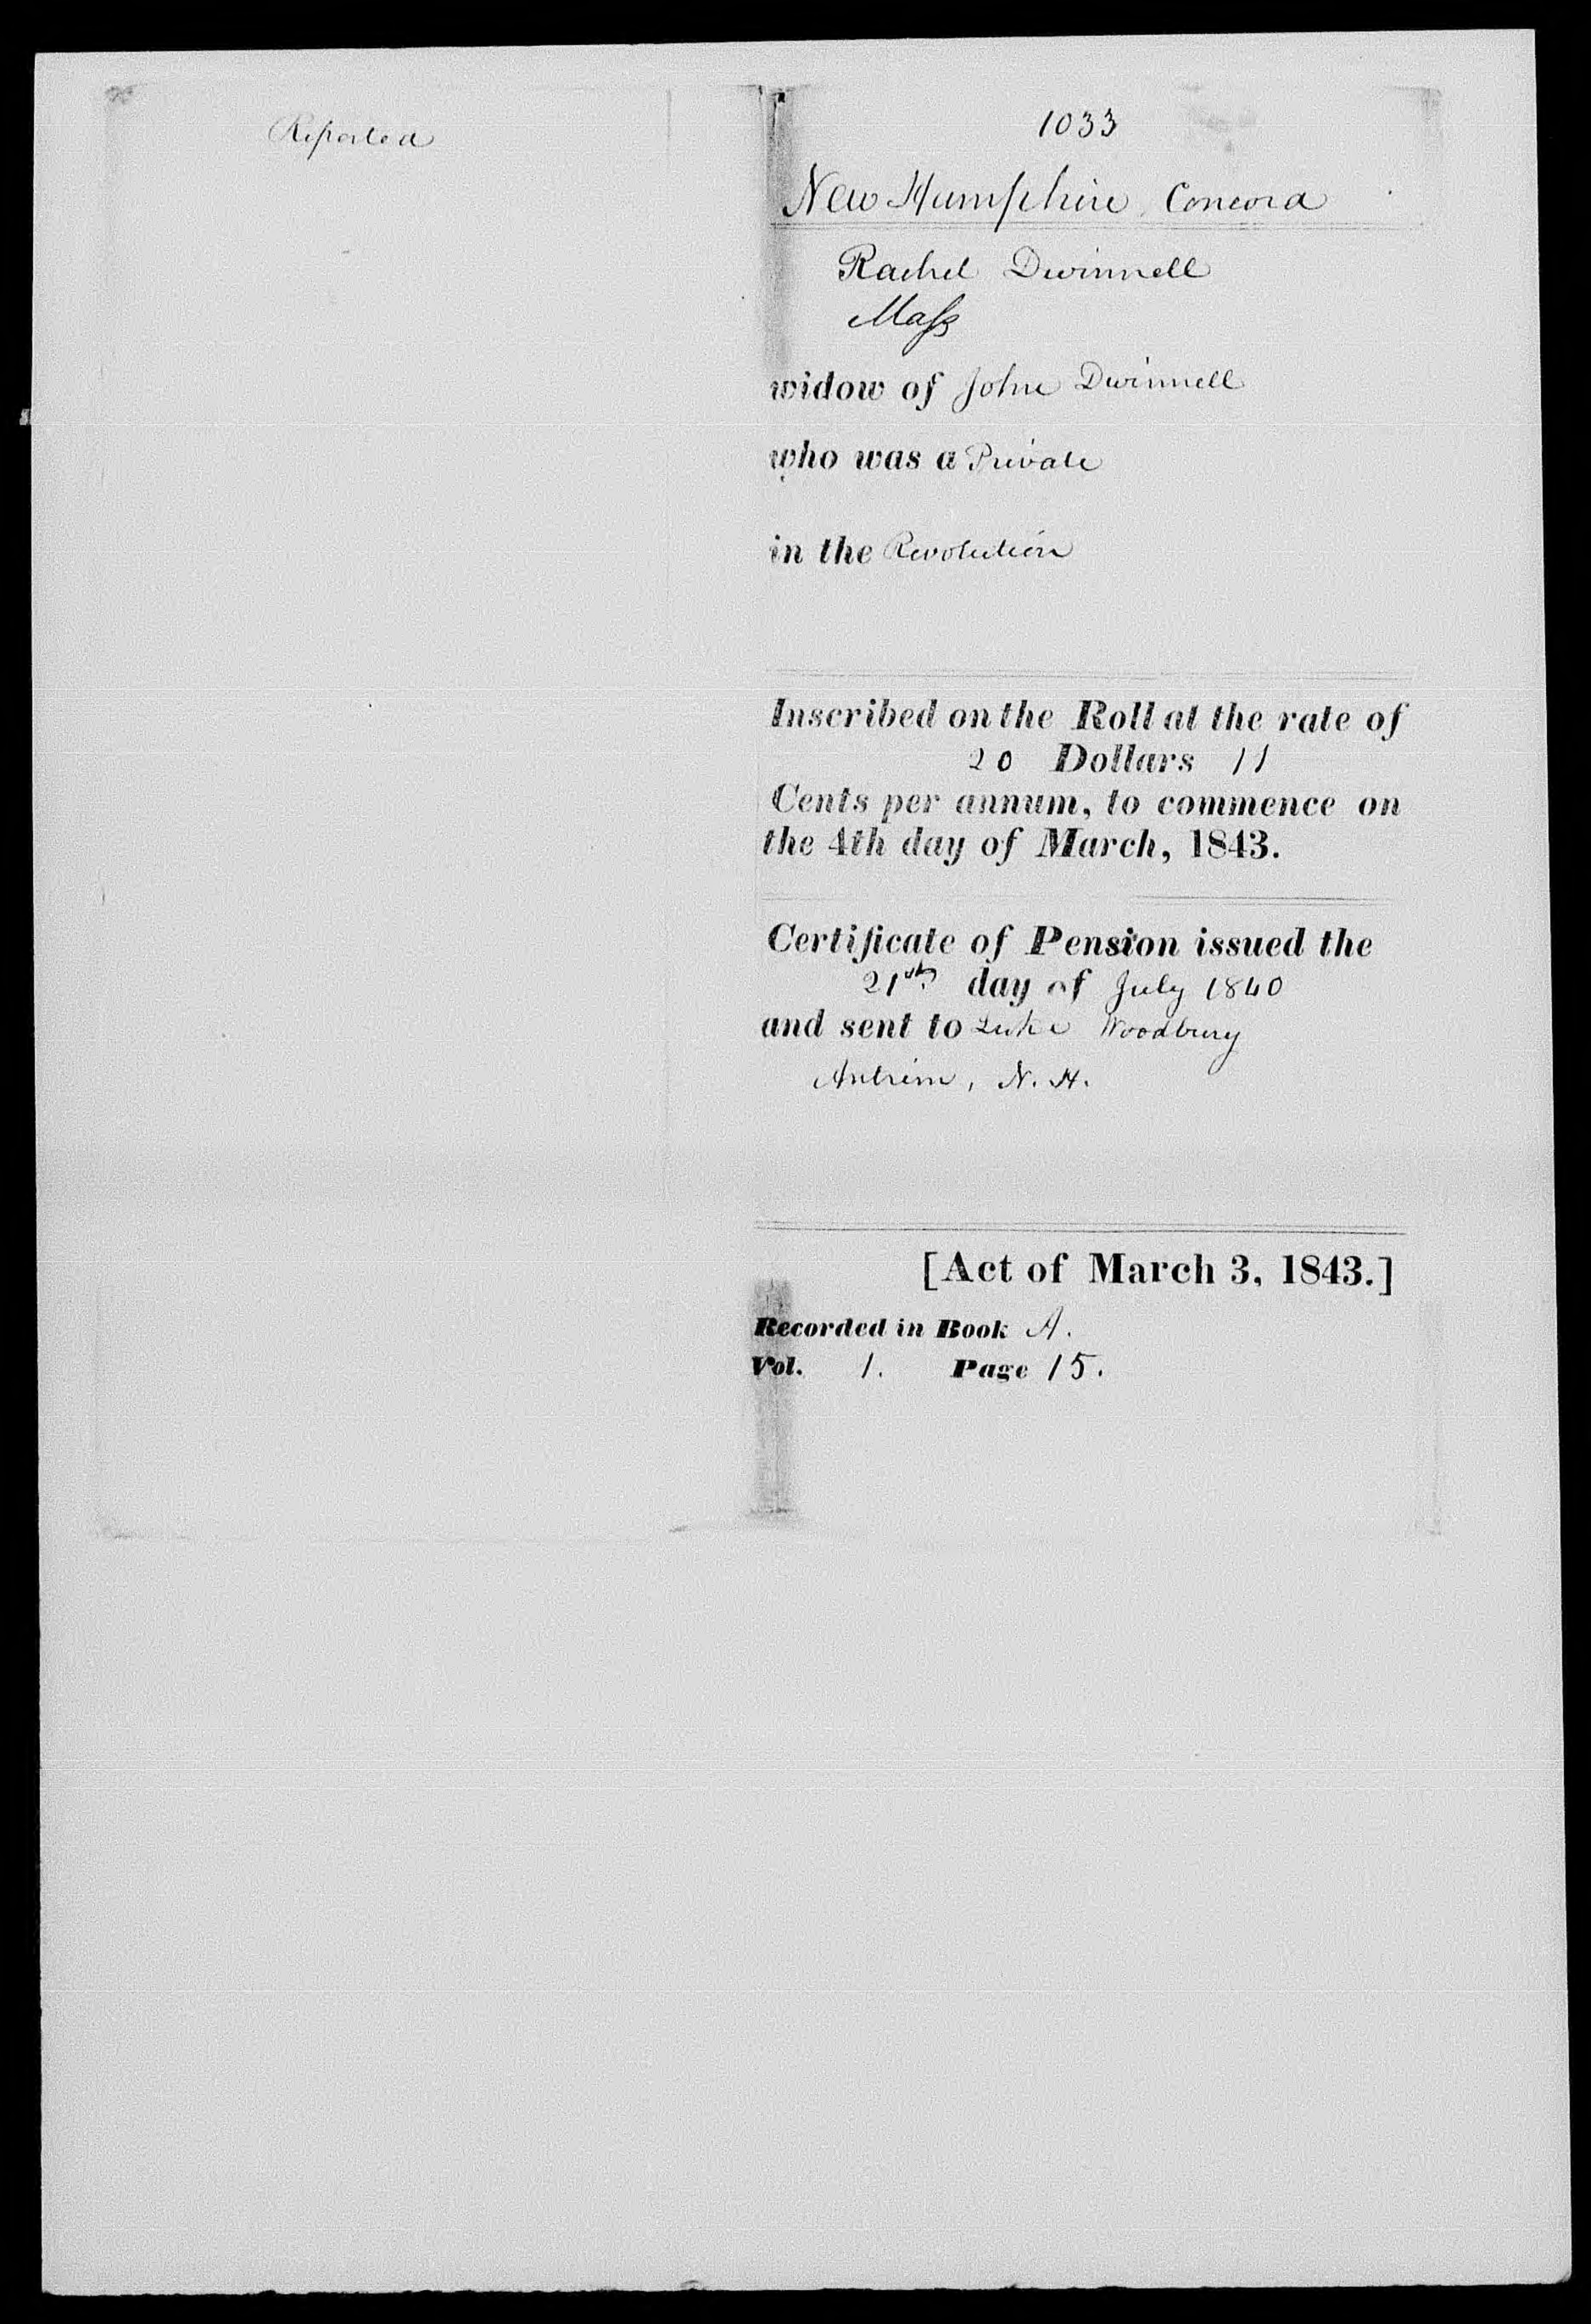Reported

1033
New Hampshire, Concord
Rachel Dwinnell
Mass
window of John Dwinnell
who was a Private
in the Revolution
Inscribed on the Roll at the rate of 
20 Dollars 11
cents per annum, to commence on 
the 4th day of March 1843
Certificate of Pension issued the
21st day of July 1840
and sent to Luke Woodbury
Antrim, N.H.

[Act of March 3, 1843.]
Recorded in Book A.
Vol. 1. Page 15.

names: Rachel Dwinnell, John Dwinnell, Luke Woodbury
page: 2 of 22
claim: widow's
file: W. 22984, John Dwinnell, Mass.